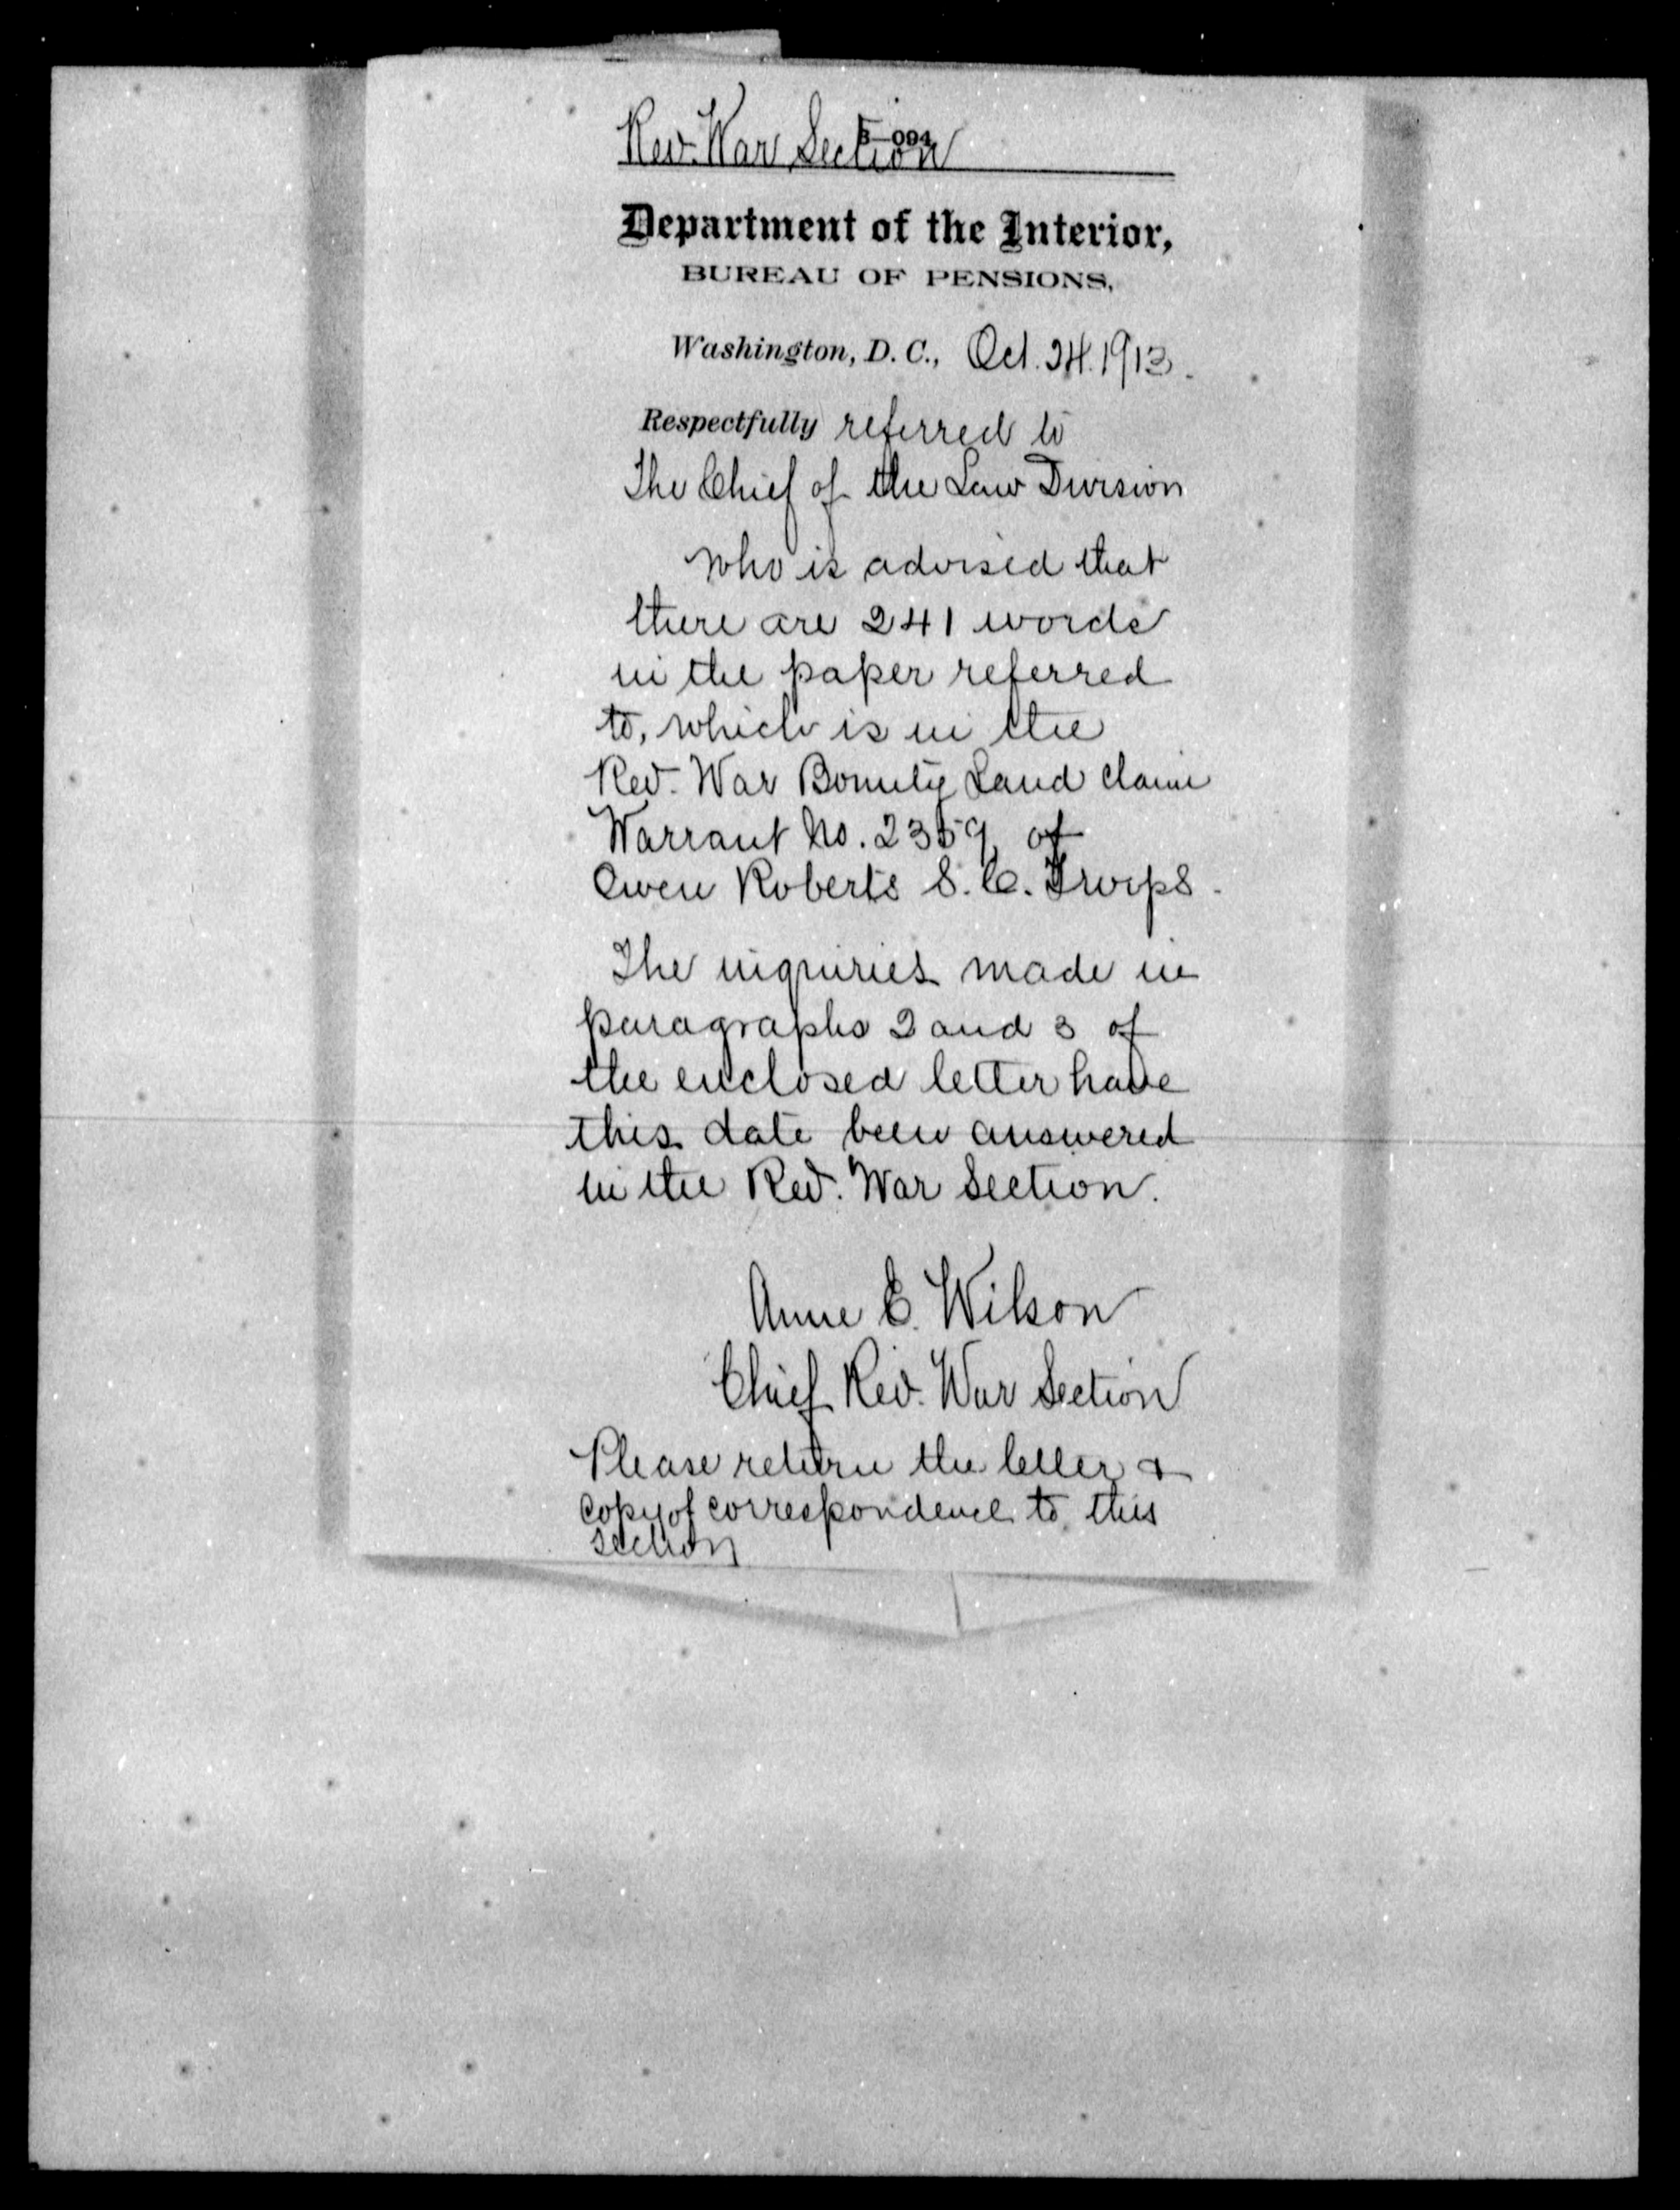6-094.

Rev. War Section 
--------------------
Department of the Interior,
BUREAU OF PENSIONS,

Washington, D.C.   Oct. 24 1913

Respectfully referred to 
The Chief of the Law Division
who is advised that 
there are 241 words
in the paper referred
to, which is in the 
Rev. War Bounty Land claim
Warrant No. 2359, of
Owen Roberts S.C. Troops.

The inquiries made in 
paragraphs 2 and 3 of 
the enclosed letter have
this date been answered
i the Rev. War Section.

Anne E. Wilson
Chief Rev. War Section

Please return the letter & 
copy of correspondence to this 
section.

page: 20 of 59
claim: bounty land warrant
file: B.L.Wt. 2359-500, for Owen Roberts, South Carolina